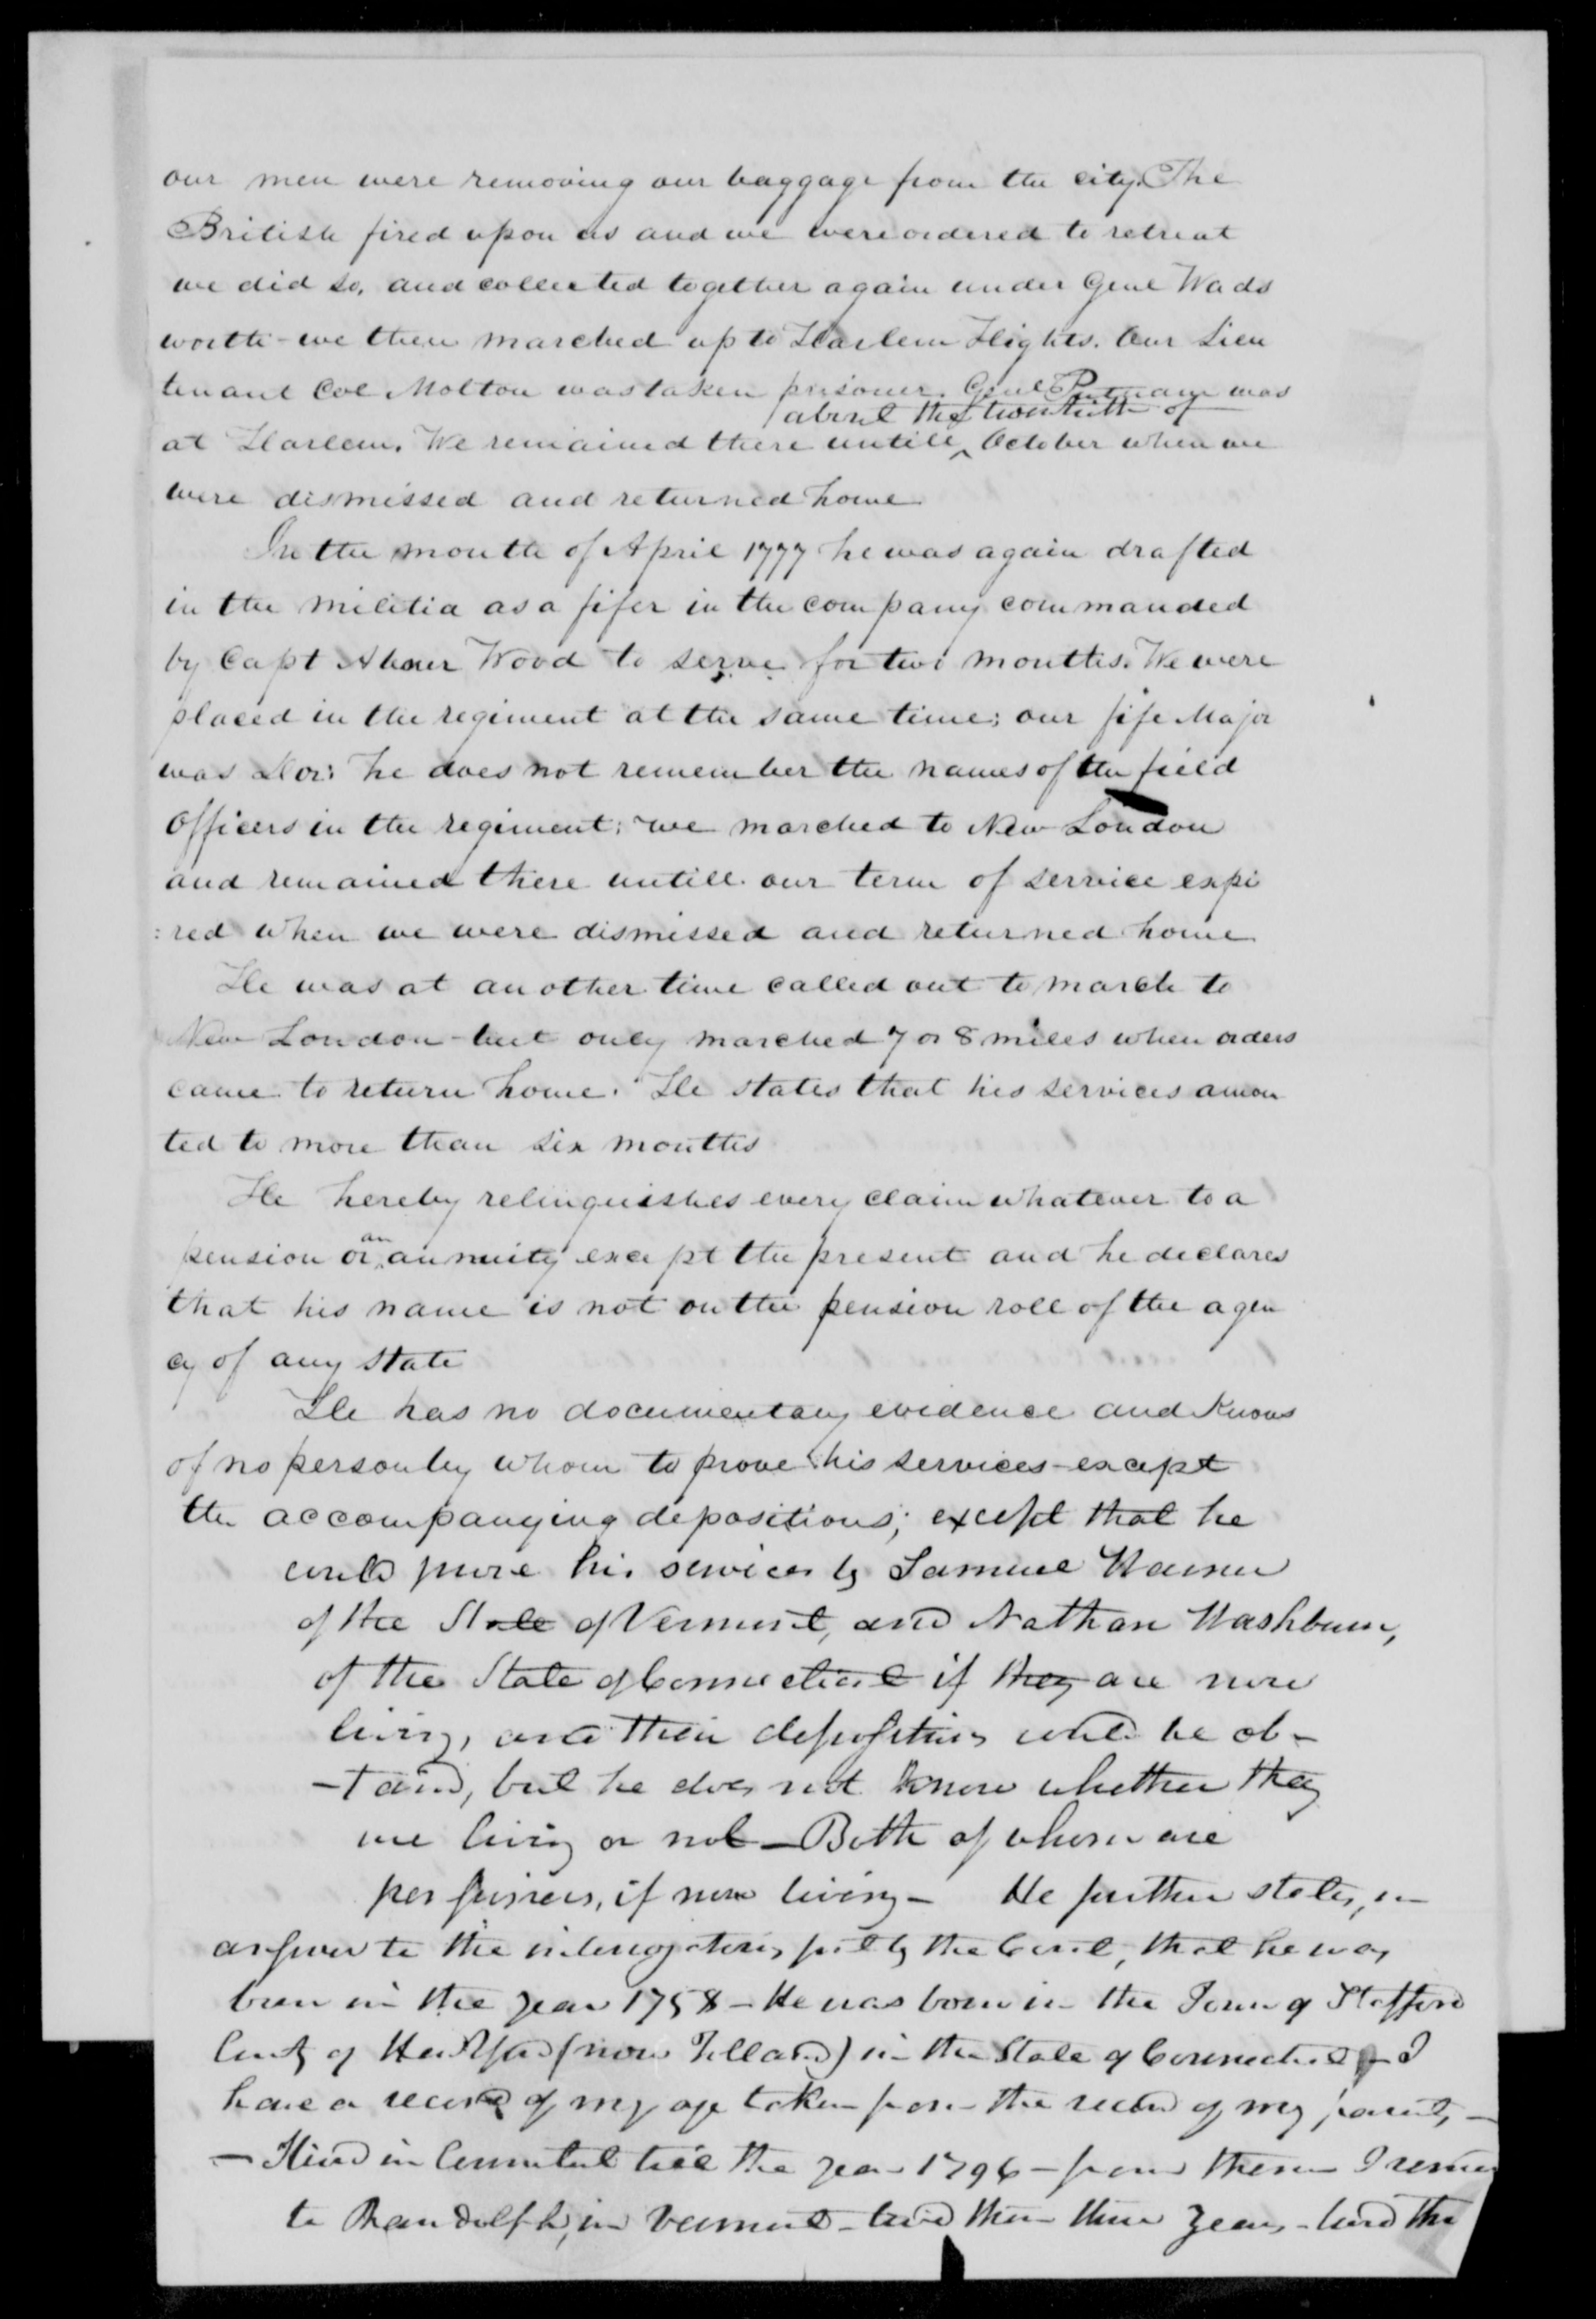our men were removing our baggage from the city. The
British fired upon us and we were ordered to retreat 
we did so and collected together again under General Wadsworth-we then marched up to Harlem Heights. Our Lieutenant Colonel Molton was taken prisoner. General Putnam was
at Harlem. We remained there untill about the twentieth of October when we
were dismissed and returned home.
In the month of April 1777 he was again drafted 
in the militia as a fifer in the company commanded
by Captain Abner Wood to serve for two months. We were
placed in the regiment at the same time; our fife Major
was Dors he does not remember the names of the field
officers in the regiment; we marched to New London
and remained there untill our there of service expired when we were dismissed and returned home.
He was at another time called out to march to 
New London but only marched 7 or 8 miles when orders
came to return home. The states that his services amounted to more than six months.
He hereby relinquishes every claim whatever to a 
pension or an annuity except the present and he declares
that his name is not on the pension roll of the agency of any state.
He has no documentary evidence and knows
of no person by whom to prove his services except
the acommpaning depositions; except that he
could prove his service by Samuel Warner 
of the State of Vermont and Nathan Washburn
of the state of Connecticut if they are now
living and their depositions will be ob
gained but he does not know whether thy
are living or not-Both of whom are
pensioners if now living- He further states 
in answer to the interrogatories for the Court that he was
born in the year 1758- he was born in the Town of Stafford
County of Hartford (now Tolland) in the State of Connecticut and
have a record of my age taken from the record of my parents-
Lived in Connecticut  the year 1796-from there I removed
to Randolph in Vermont - lived there three years -lived the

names: Samuel Warner, Abner Wood, Nathan Washburn, Wadsworth, Molton, Putnam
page: 12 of 40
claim: widow's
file: W. 3742, Moses Warner, Conn.